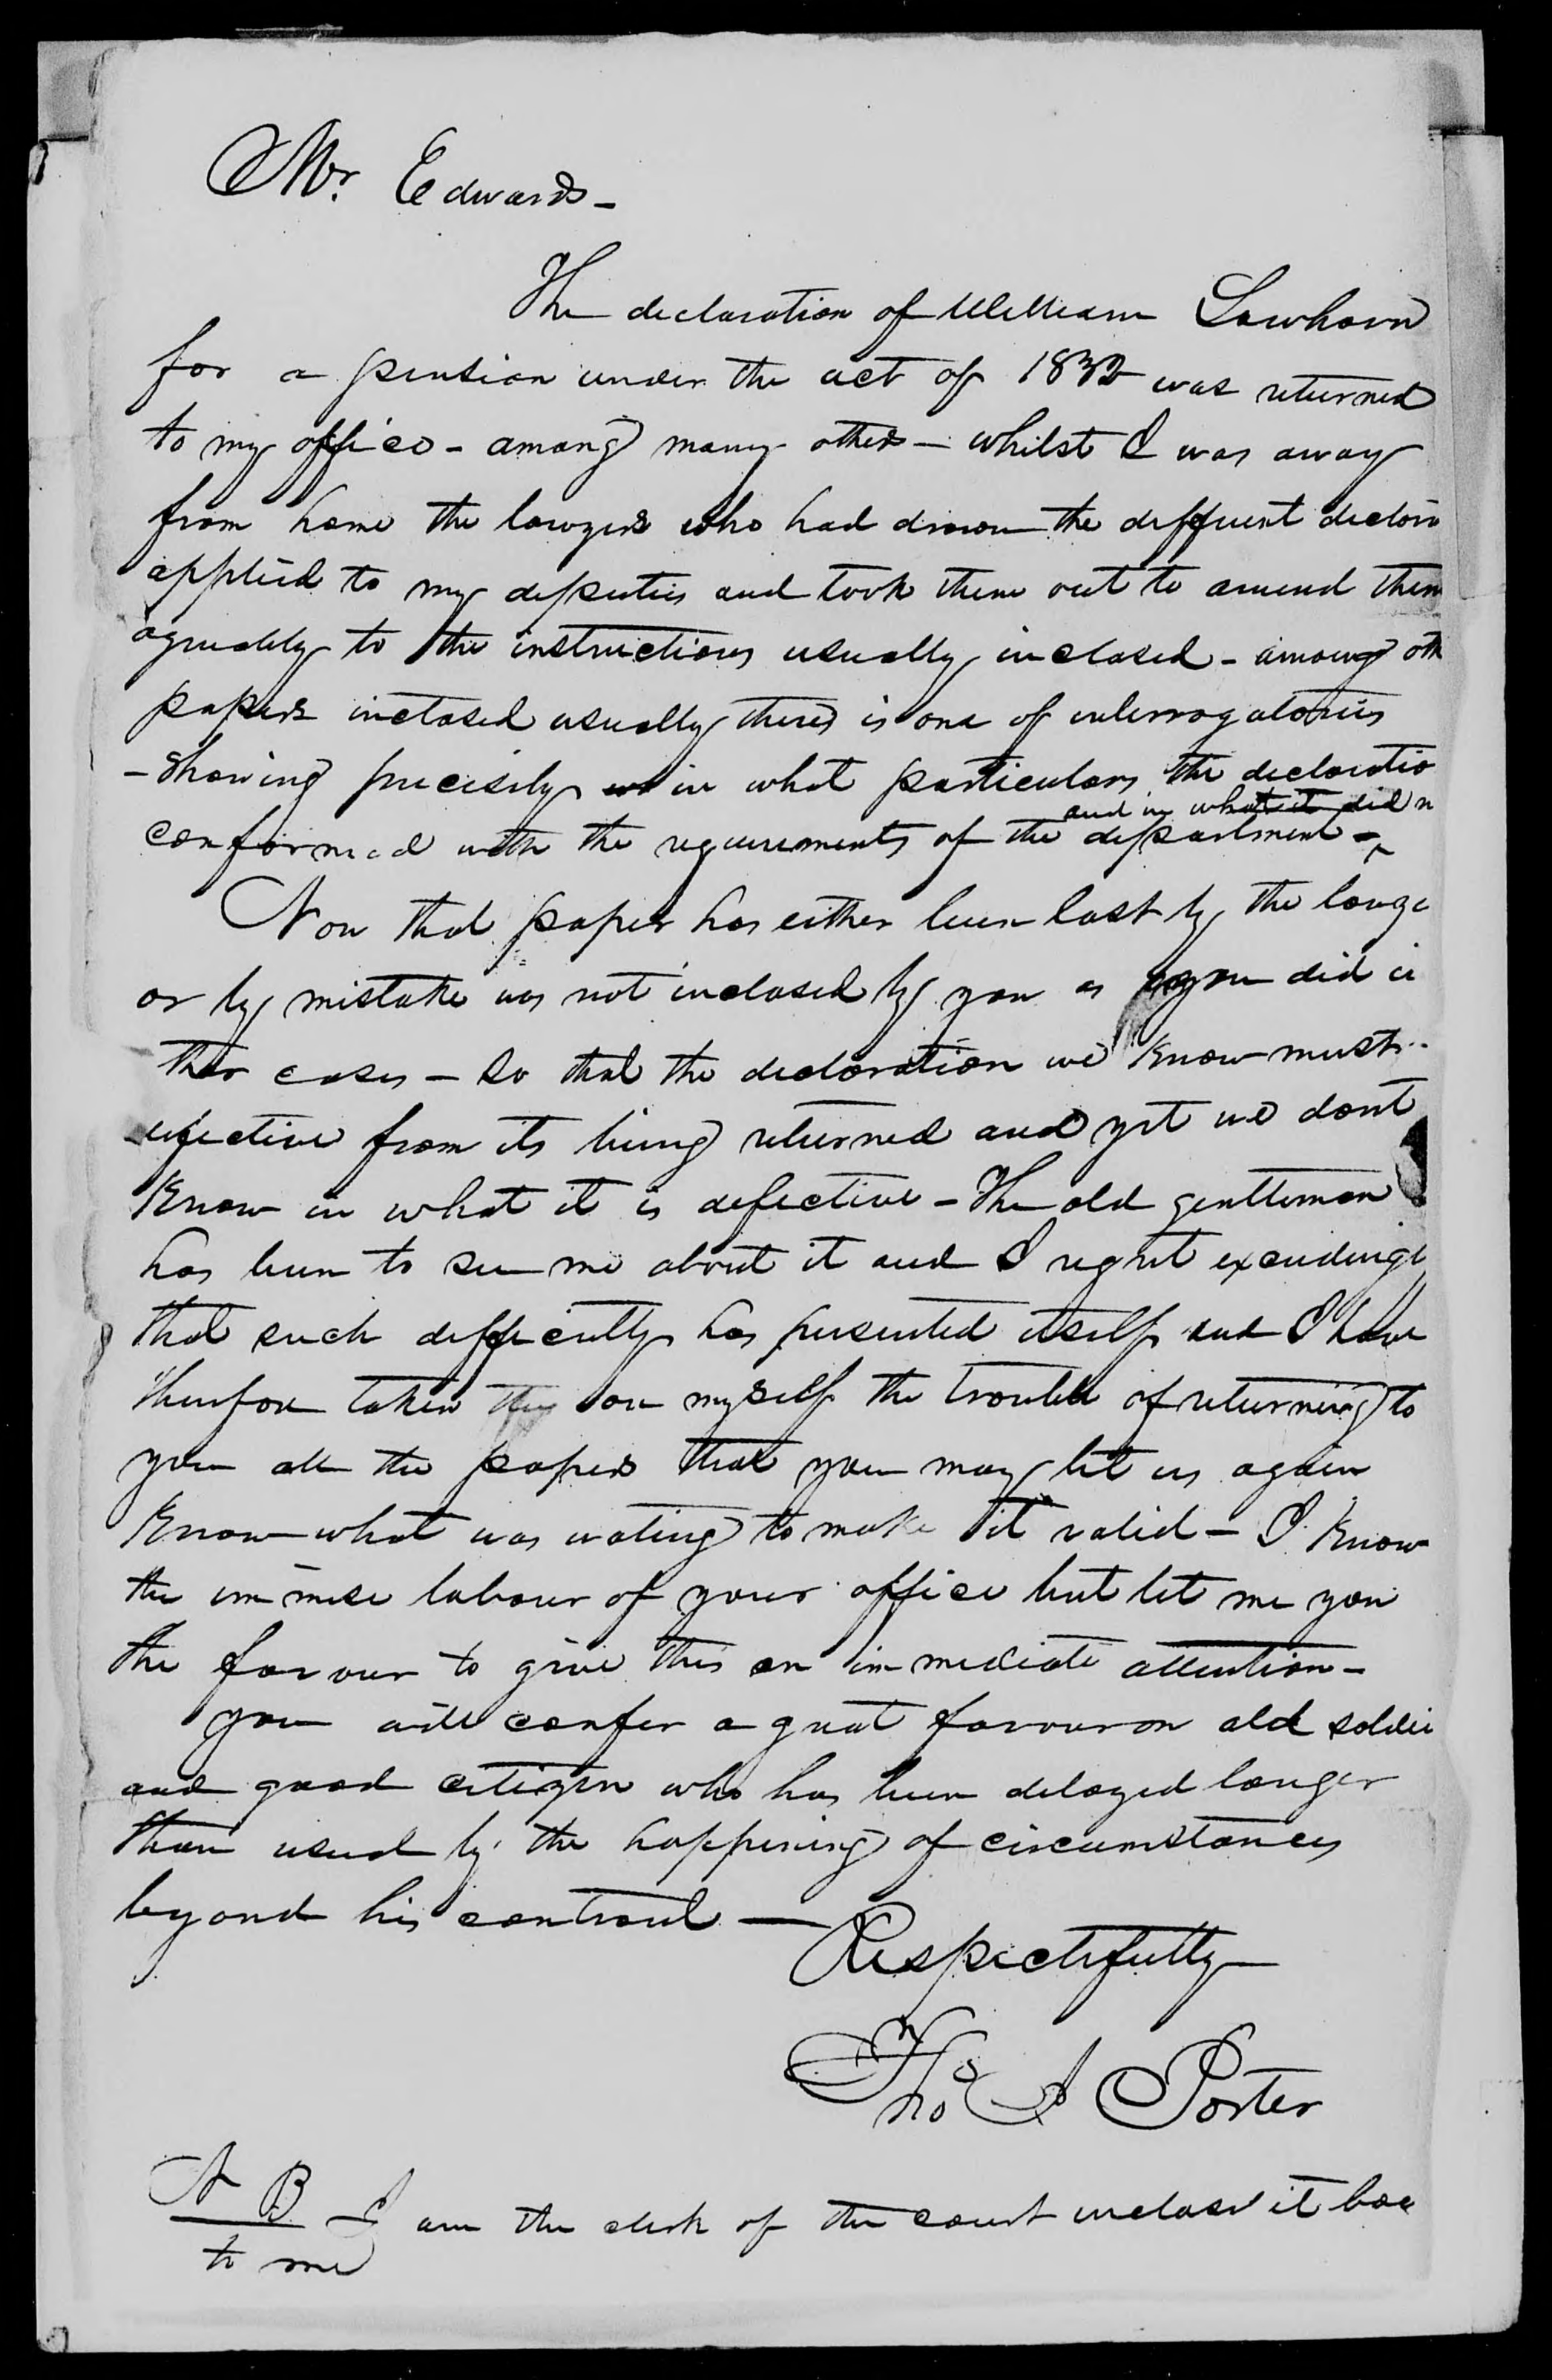Mr. Edwards - 
     The declaration of William Lawhorn for a pension under the act of 1832 was returned to my office - among many others - whilst I was away from home the lawyers who had known the different sections applied to my deputies and took them out to amend them agreeably to the instructions usually inclosed - a month other papers inclosed usually there is one of interrogatories showing precisely in what particular the declaration conformed with the requirements of the department and in what I did.
      Now that paper has either been lost by the long or by mistake was not inclosed by you as you did in other cases - so that the declaration we know must be defective from its being returned and yet we don't know in what it is defective.  The old gentleman has been to see me about it and I request exceedingly that such difficulty has presented itself, and I have therefore taken them on myself.  The trouble of returning to you all the papers that you may let us again know what was wanting to make it valid - I know this immense labor of your office but let me you the favour to give this an immediate attention - 
     You will confer a great favour on old soldier and good citizens who has been delayed longer than usual by the happening of circumstances beyond his control.
        Respectfully,

        Thos J. Porter

N.B. I am the Clerk of the Court inclose it back to me.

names: Thos J Porter; William Lawhorn; [BLANK] Edwards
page: 16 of 16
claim: survivor's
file: S 4506, for William Lawhorn, North Carolina